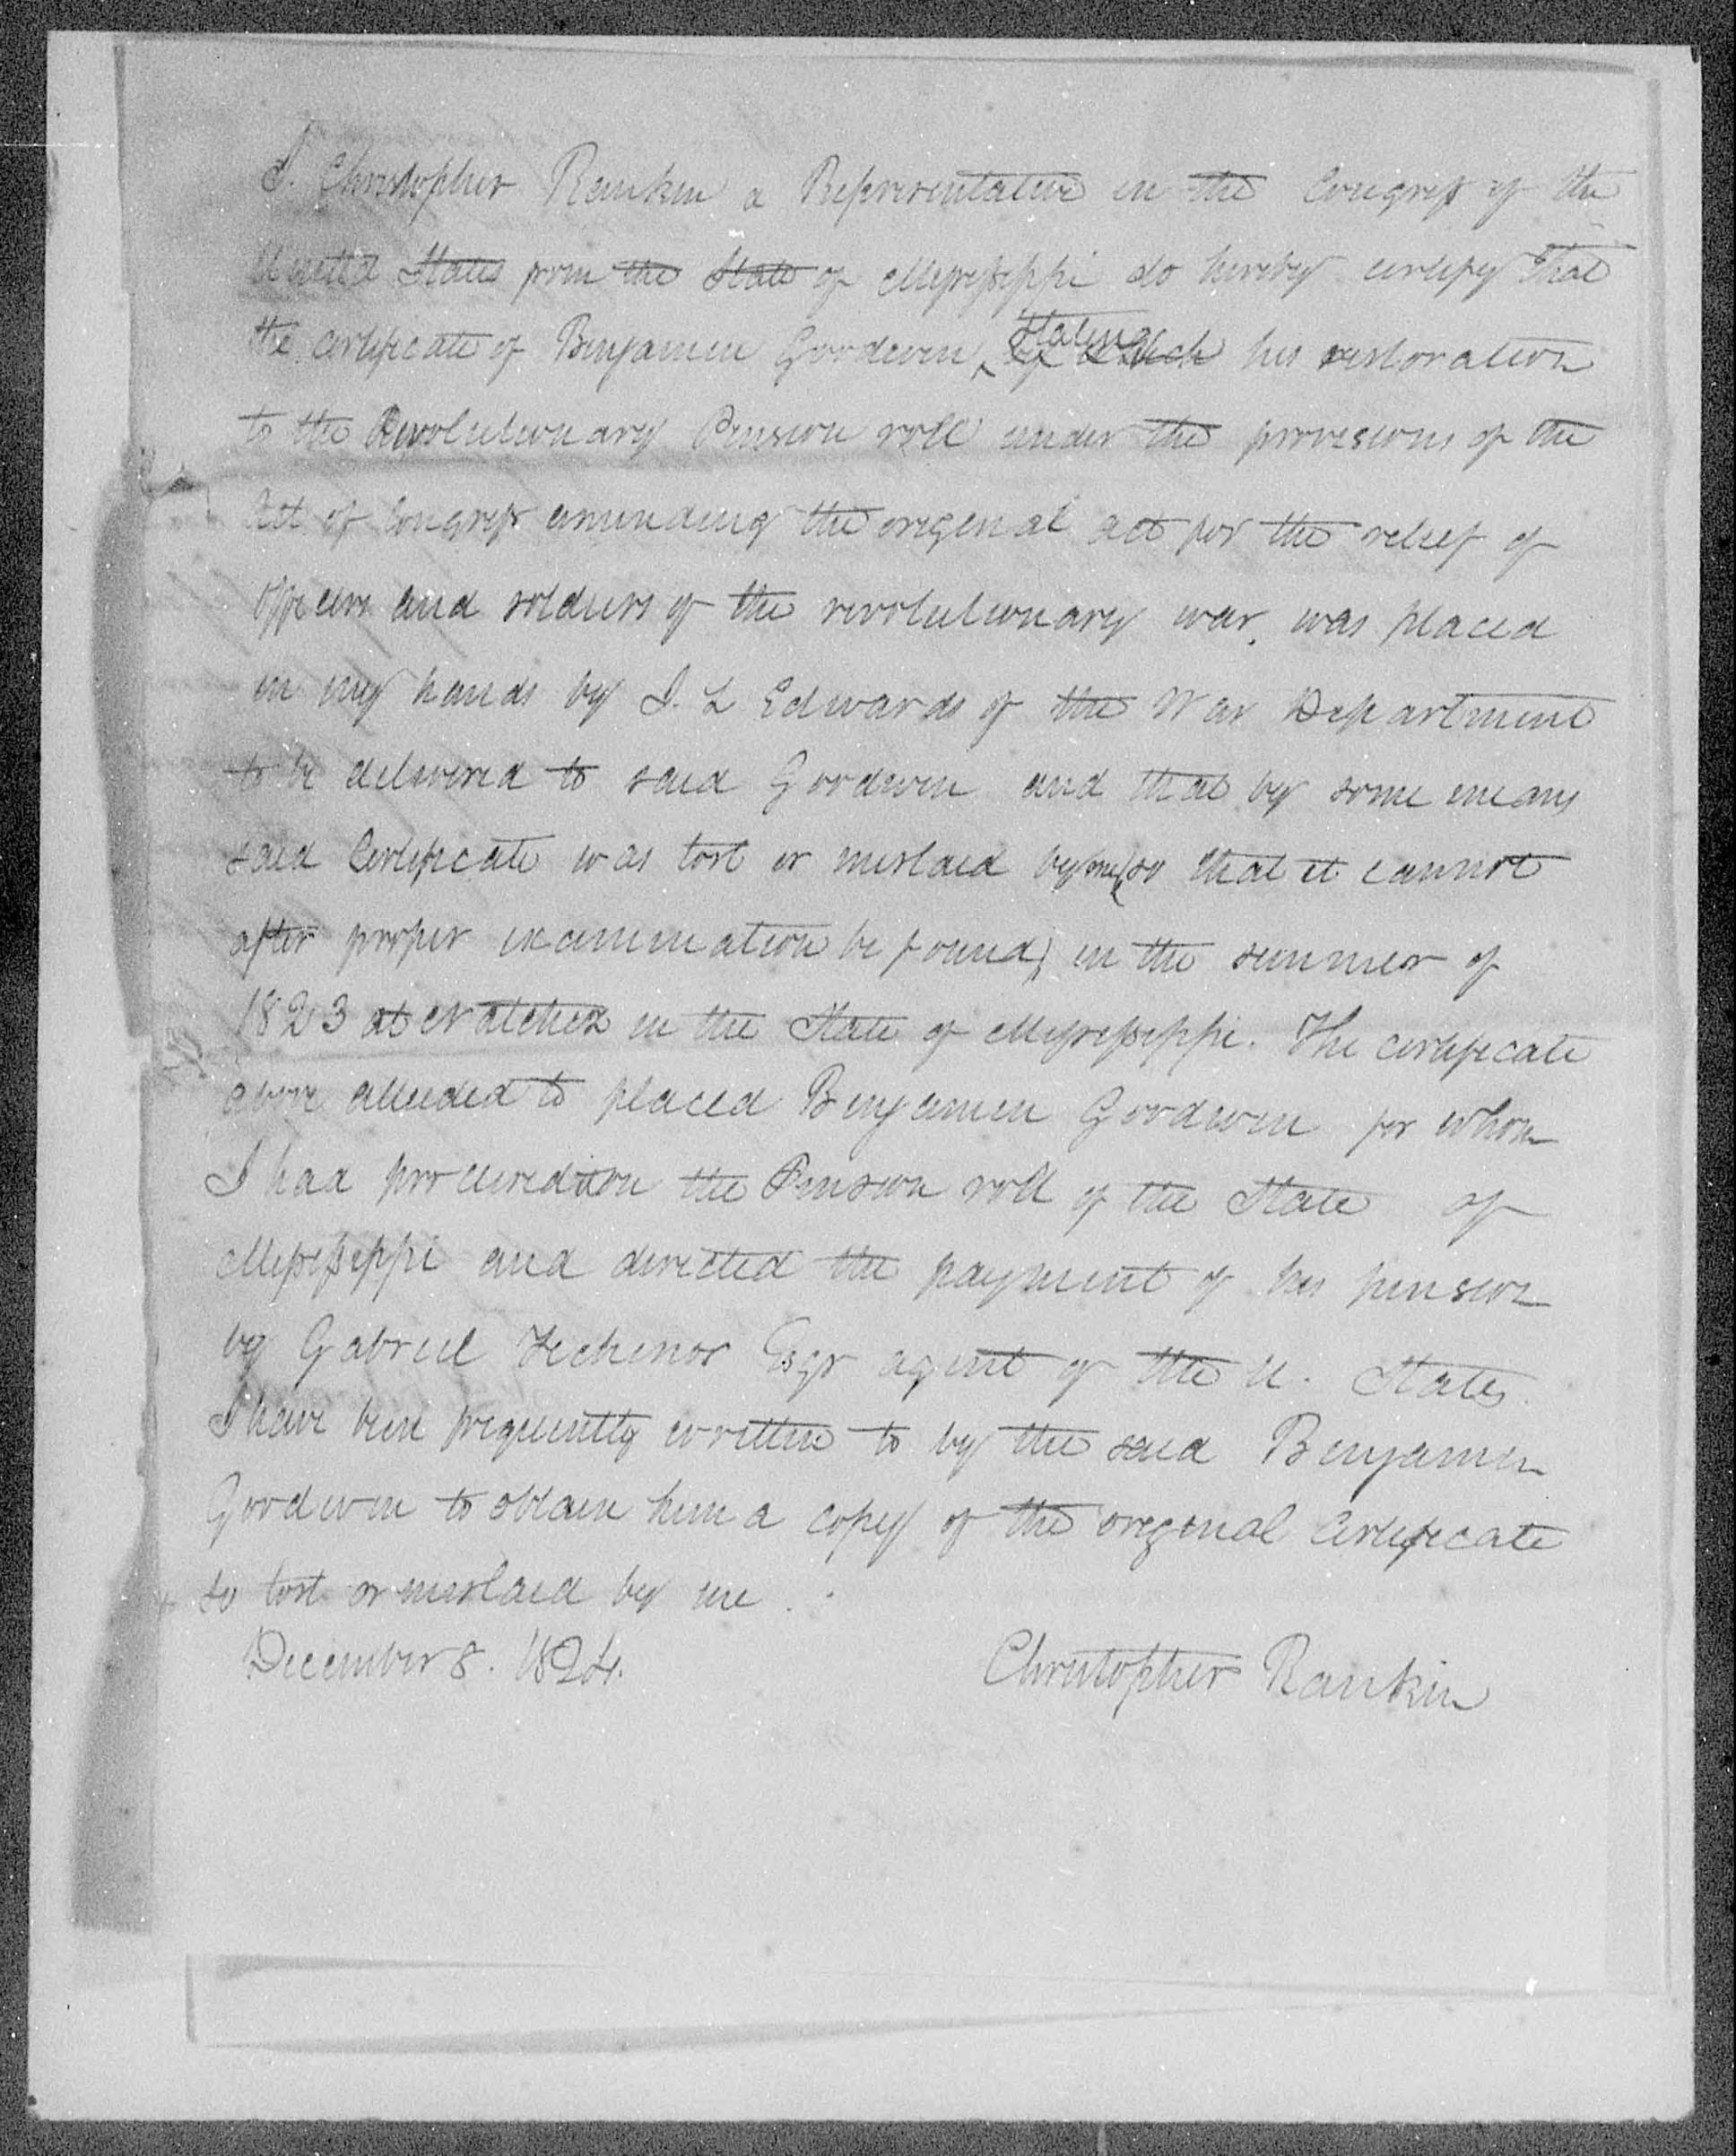I, Christopher Rankin a Representative in the Congress of the United States from (the State crossed out) of Mississippi do hereby certify that the certificate of Benjamin Goodwin ^Stating (of which crossed out) his declaration to the Revolutionary Pension roll under the provisions of the Act of Congress amending the original act for the relief of officers and soldiers of the revolutionary war, was placed in my hands by J. L. Edwards of (this crossed out) War Department to be delivered to said Goodwin and that, by some means said Certificate was lost of mislaid by me & that it cannot after proper examination be found, in the summer of 1823 at Natchez in the State of Mississippi. The certificate above alluded to placed Benjamin Goodwin for whom I had provided on the Pension roll of the State of Mississippi and directed the payment of his pension by Gabriel Techenor Esqr agent  of the  U. States I have been frequently written to by the said Benjamin Goodwin to obtain him a copy of the original certificate so lost or mislaid by me.
December 8, 1824
Christopher Rankin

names: Goodwin, Benjamin Goodwin, Christopher Rankin, J L Edwards, Gabriel Fechenor, Benjamin Goodwin, Christopher Rankin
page: 21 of 24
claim: survivor's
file: S. 34903, Benjamin Goodwin, Va.